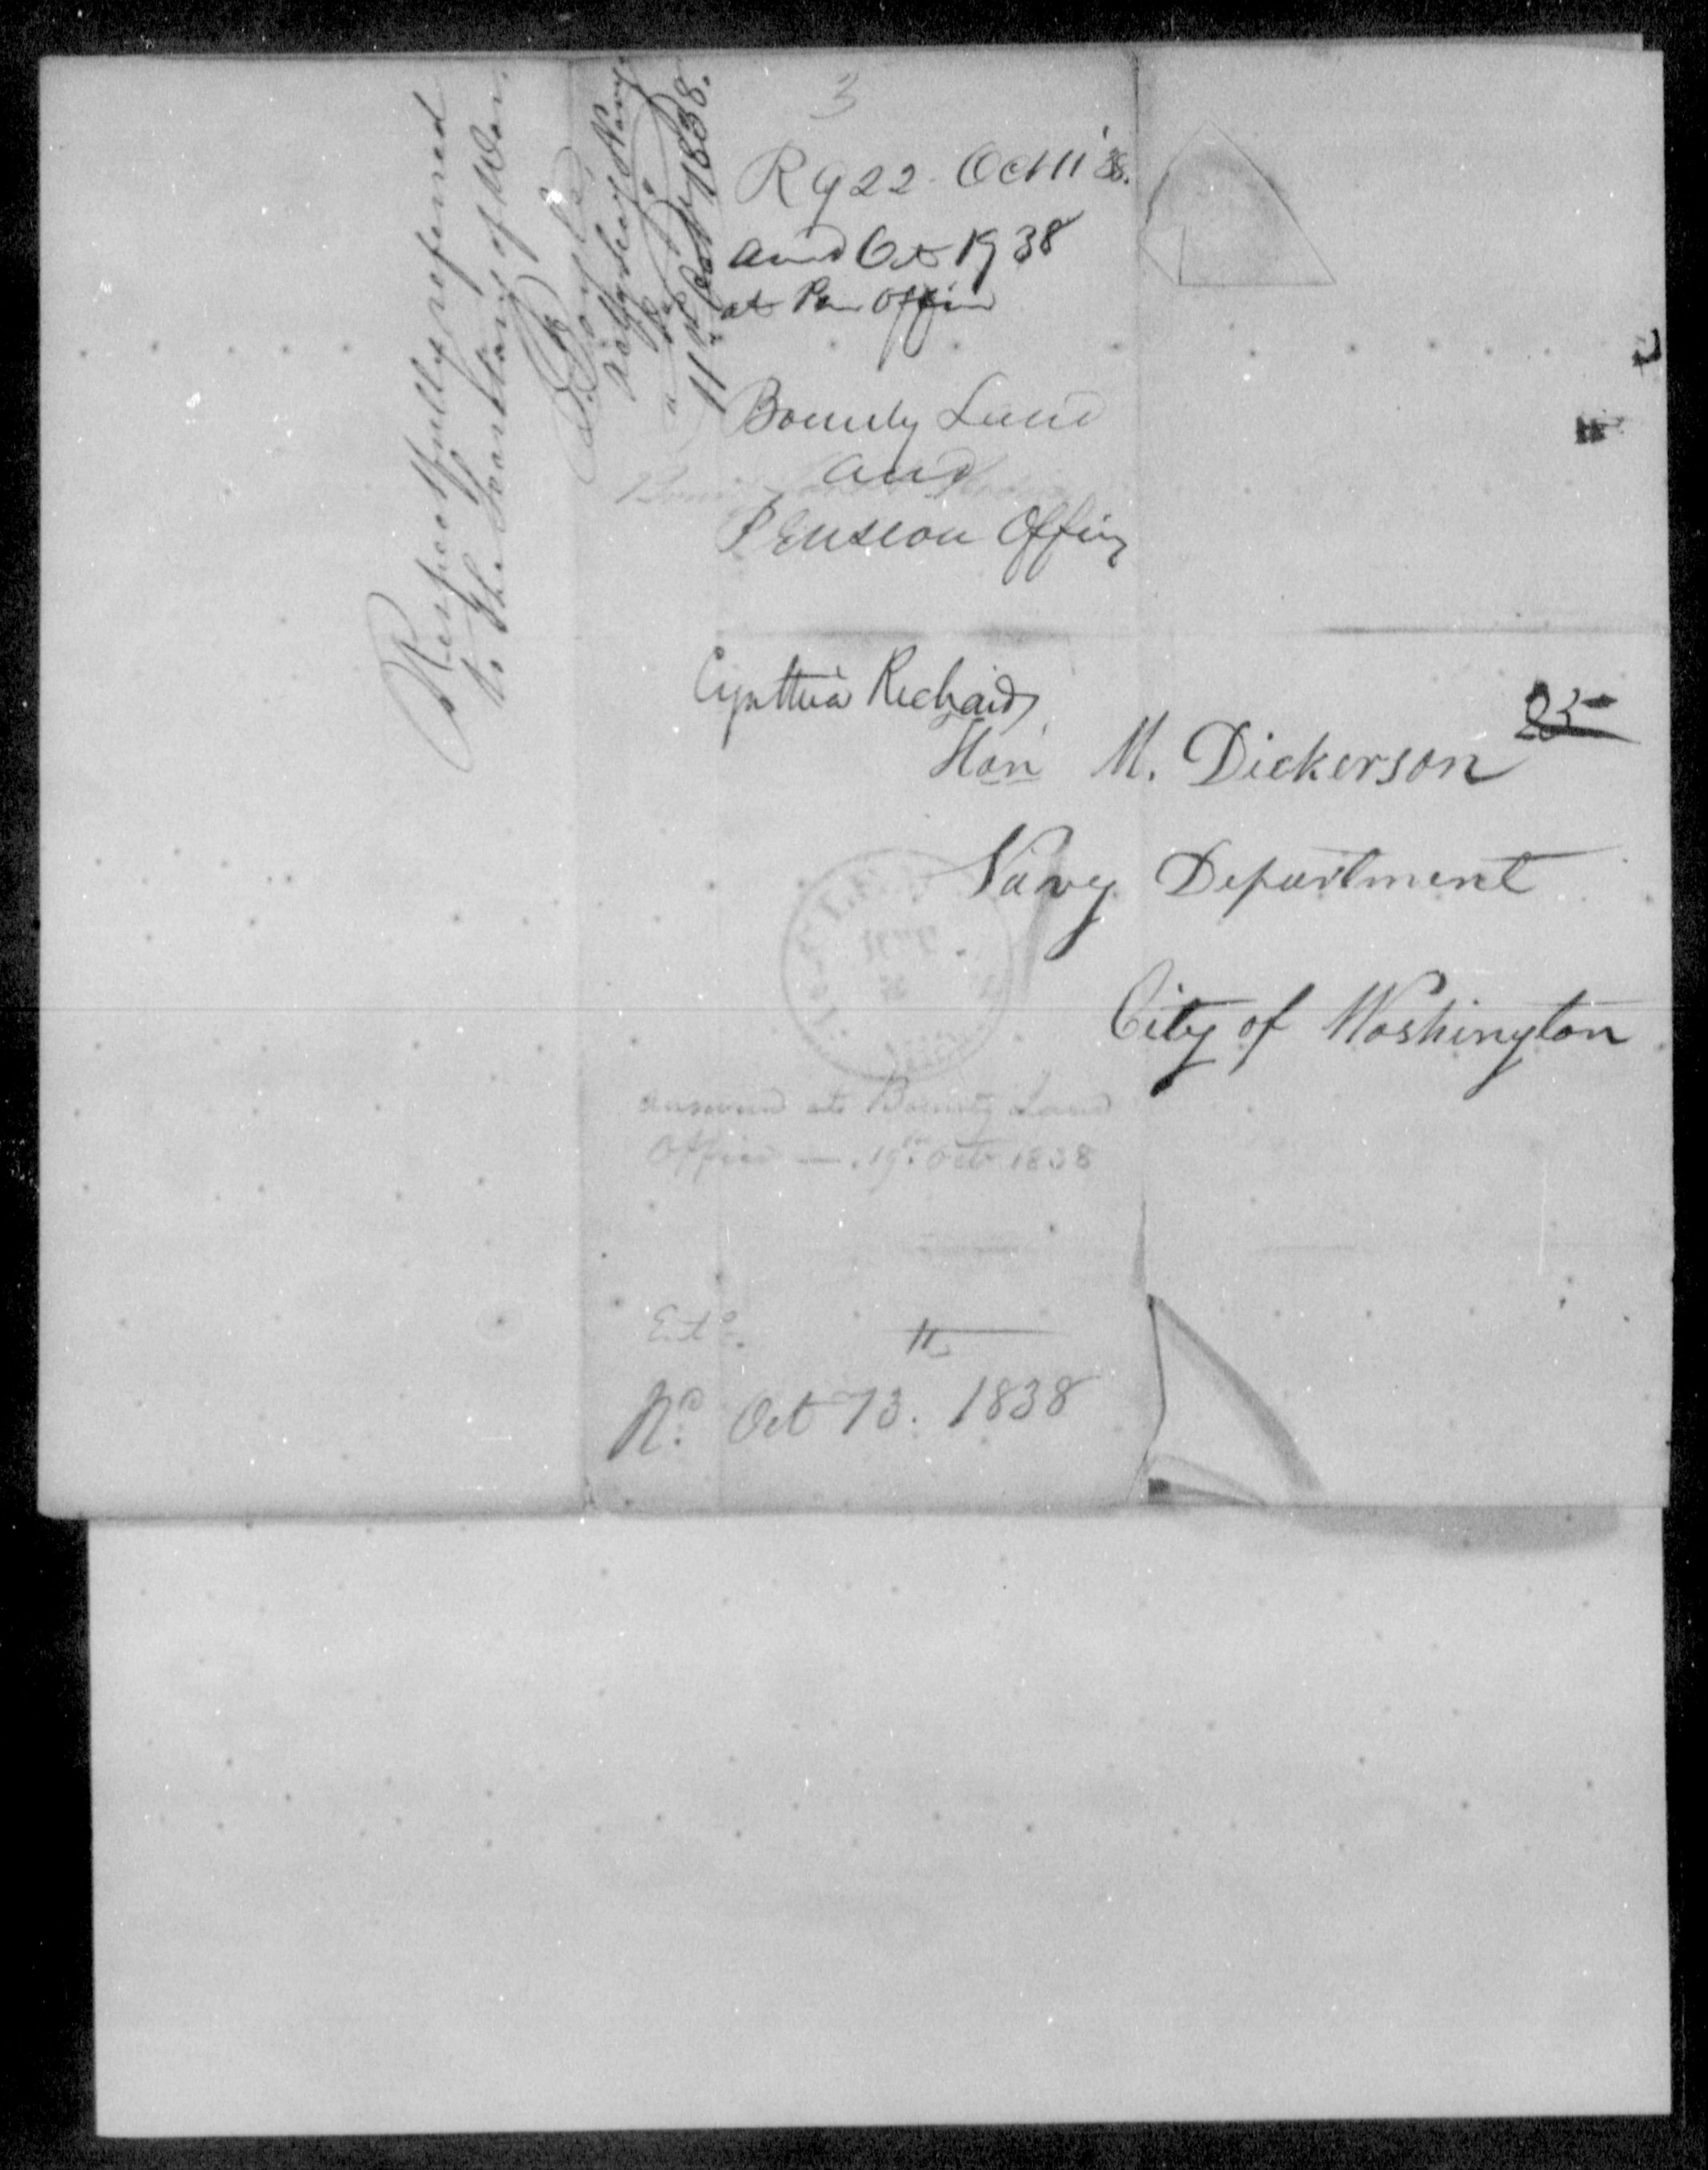{left sideways] Respectfully referred to the Secretary of War. [end]

3
R922 Oct 11 [18]'38.
and 6th 1938 at Pen [PENSION] office
Bounty Land and Pension Office
Cynthia Richards
Honorable M. Dickerson  25
Navy Department
City of Washington [stamp illegible]

Removed to Bounty Land Office -. 19th. Octr [OCTOBER] 1838 
Ext G. 
N: Oct 13th. 1838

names: S Day; M Dickerson; Cynthia Richards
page: 49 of 109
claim: widow's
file: W. 5709, for Thomas Richards, New Hampshire